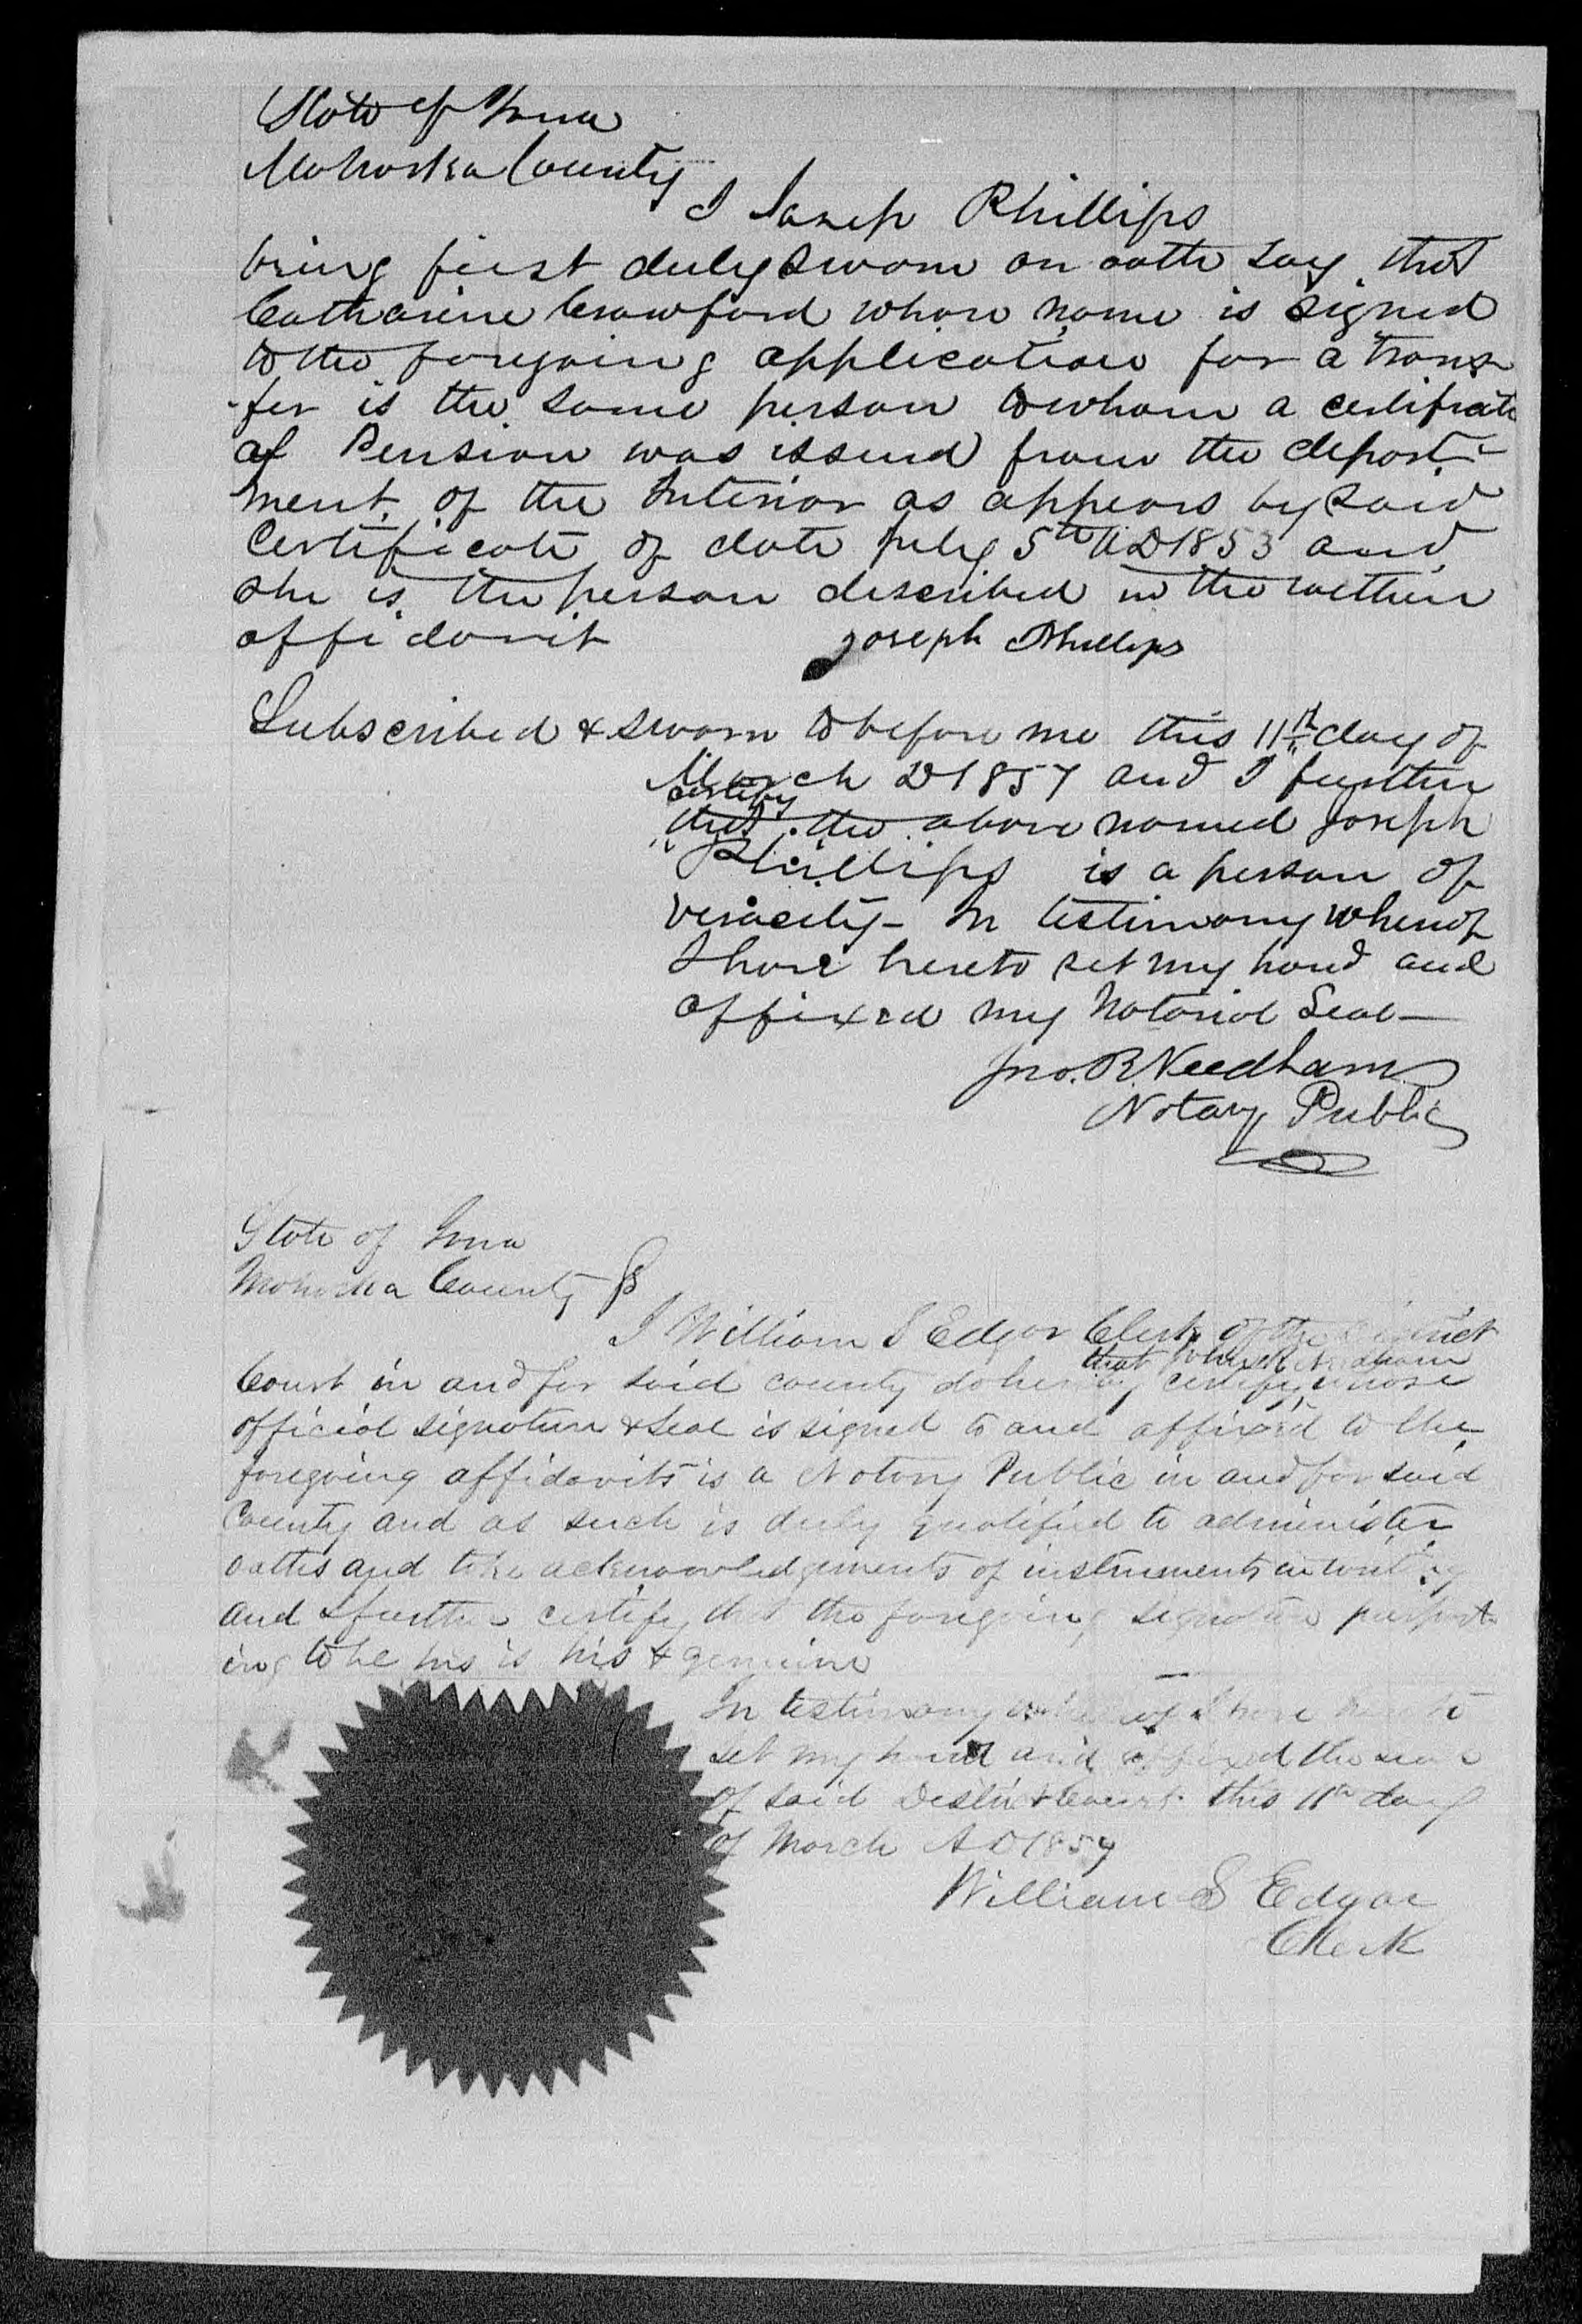State of Ohio
Mahaska County
I James Phillips
being first duly sworn on oath say that
Catharine Crawford whose name is signed
to the foregoing application for a trans
for is the same person to whom a certificate
of Pension was issued from the department of the Interior as appears by said
Certificate of oath July 5th AD 1853 and
she is the person described in the (?) affidavit

Joseph Phillips

Subscribed & sworn to before me this 11th day of March 1857 and I further certify that the above named Joseph Phillips is a person of veracity. In testimony whereof I have hereto set my hand and affixed my Notarial Seal -
Jno. R. Needham
Notary Public


State of Iowa
Mohola County
I William Edgar, Clerk of the Capitol Court in and for said county do hereby certify that Joseph Needham whose official signature & Seal is signed to and affixed to the
foregoing affidavits is a Notary Public in and for said County and as such is duly qualified to administer oaths and take acknowledgements of instruments (?) and further certify that the foregoing signed and purporting to be his genuine.
 
In testimony of there set my hand and affixed the seal of said District Court this 11th day
March A D 1859
William S Edgar

Clerk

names: Joseph Phillips, Catharine Crawford, William S Edgar, William S Edgar, Joseph Phillips, Josep Phillips, Jno R Needham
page: 16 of 80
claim: widow's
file: W 2070, John Crawford, Penn.